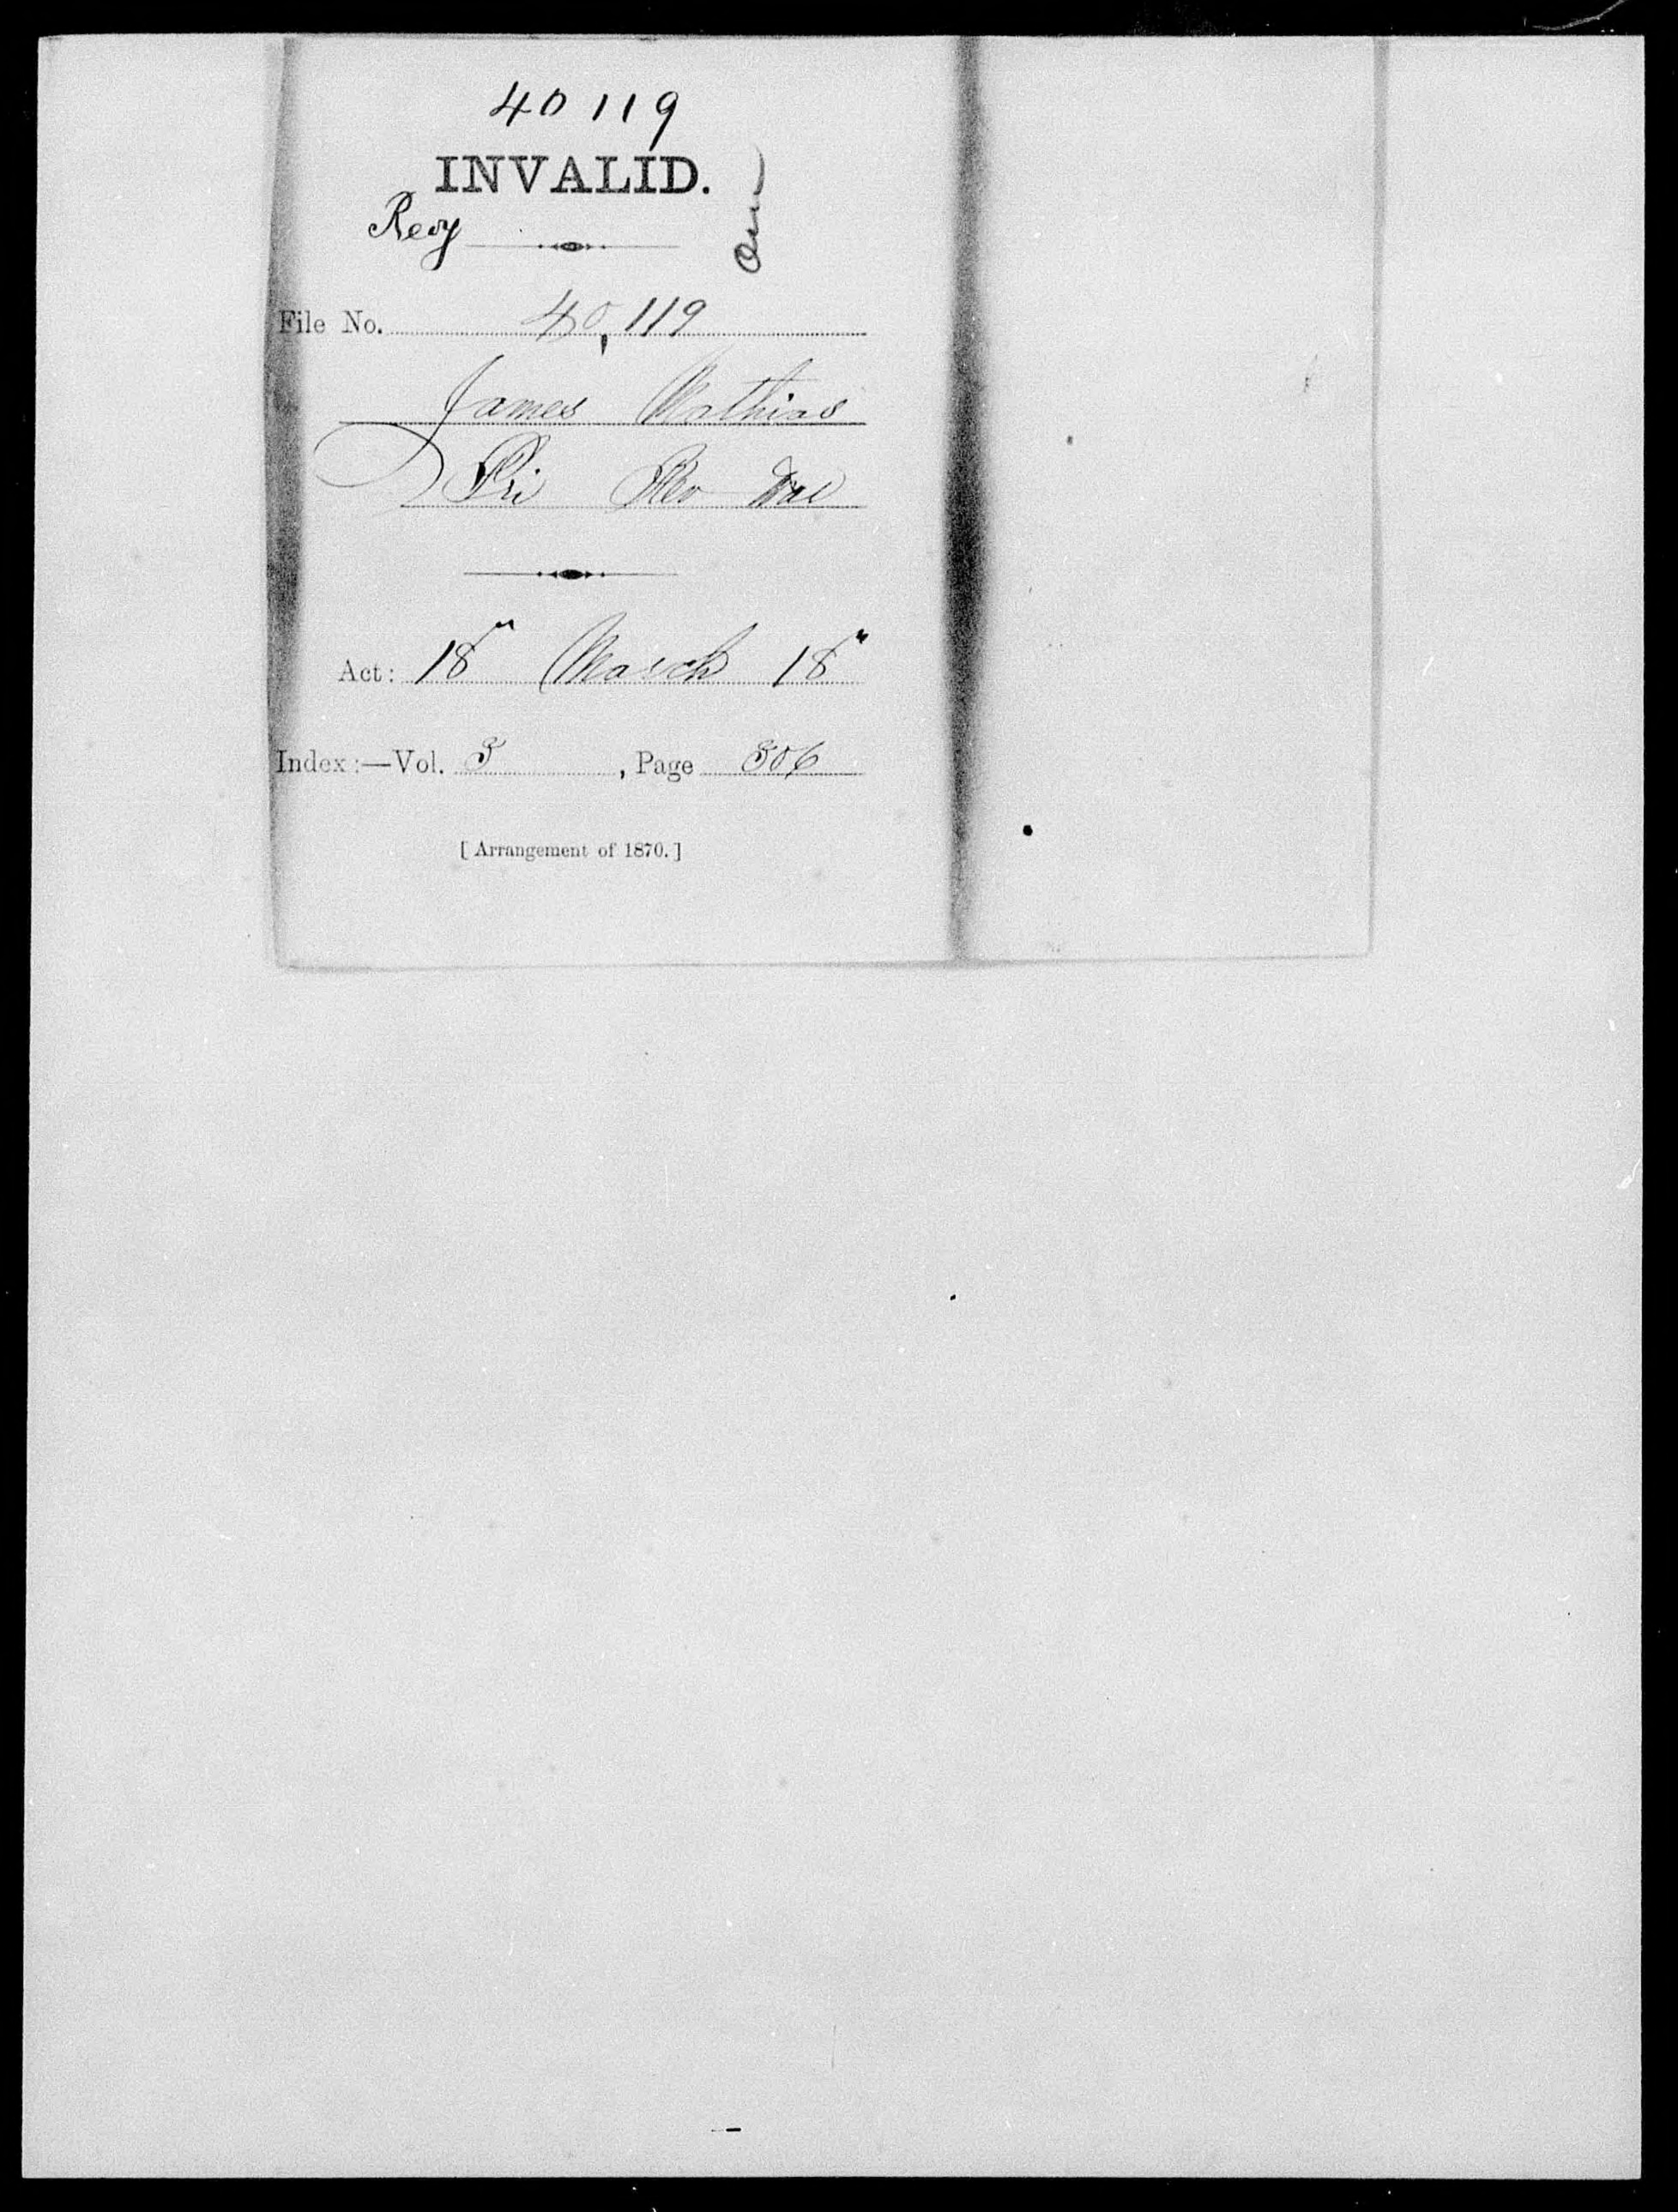40119
INVALID.
Rev
File No. 40,119
James Mathias
Pri Rev War

Act: 18 March 18

Index: -- Vol. 3  Page 306
[Arrangement of 1870.]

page: 14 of 20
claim: survivor's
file: S. 40,119, for James Mathias, Maryland